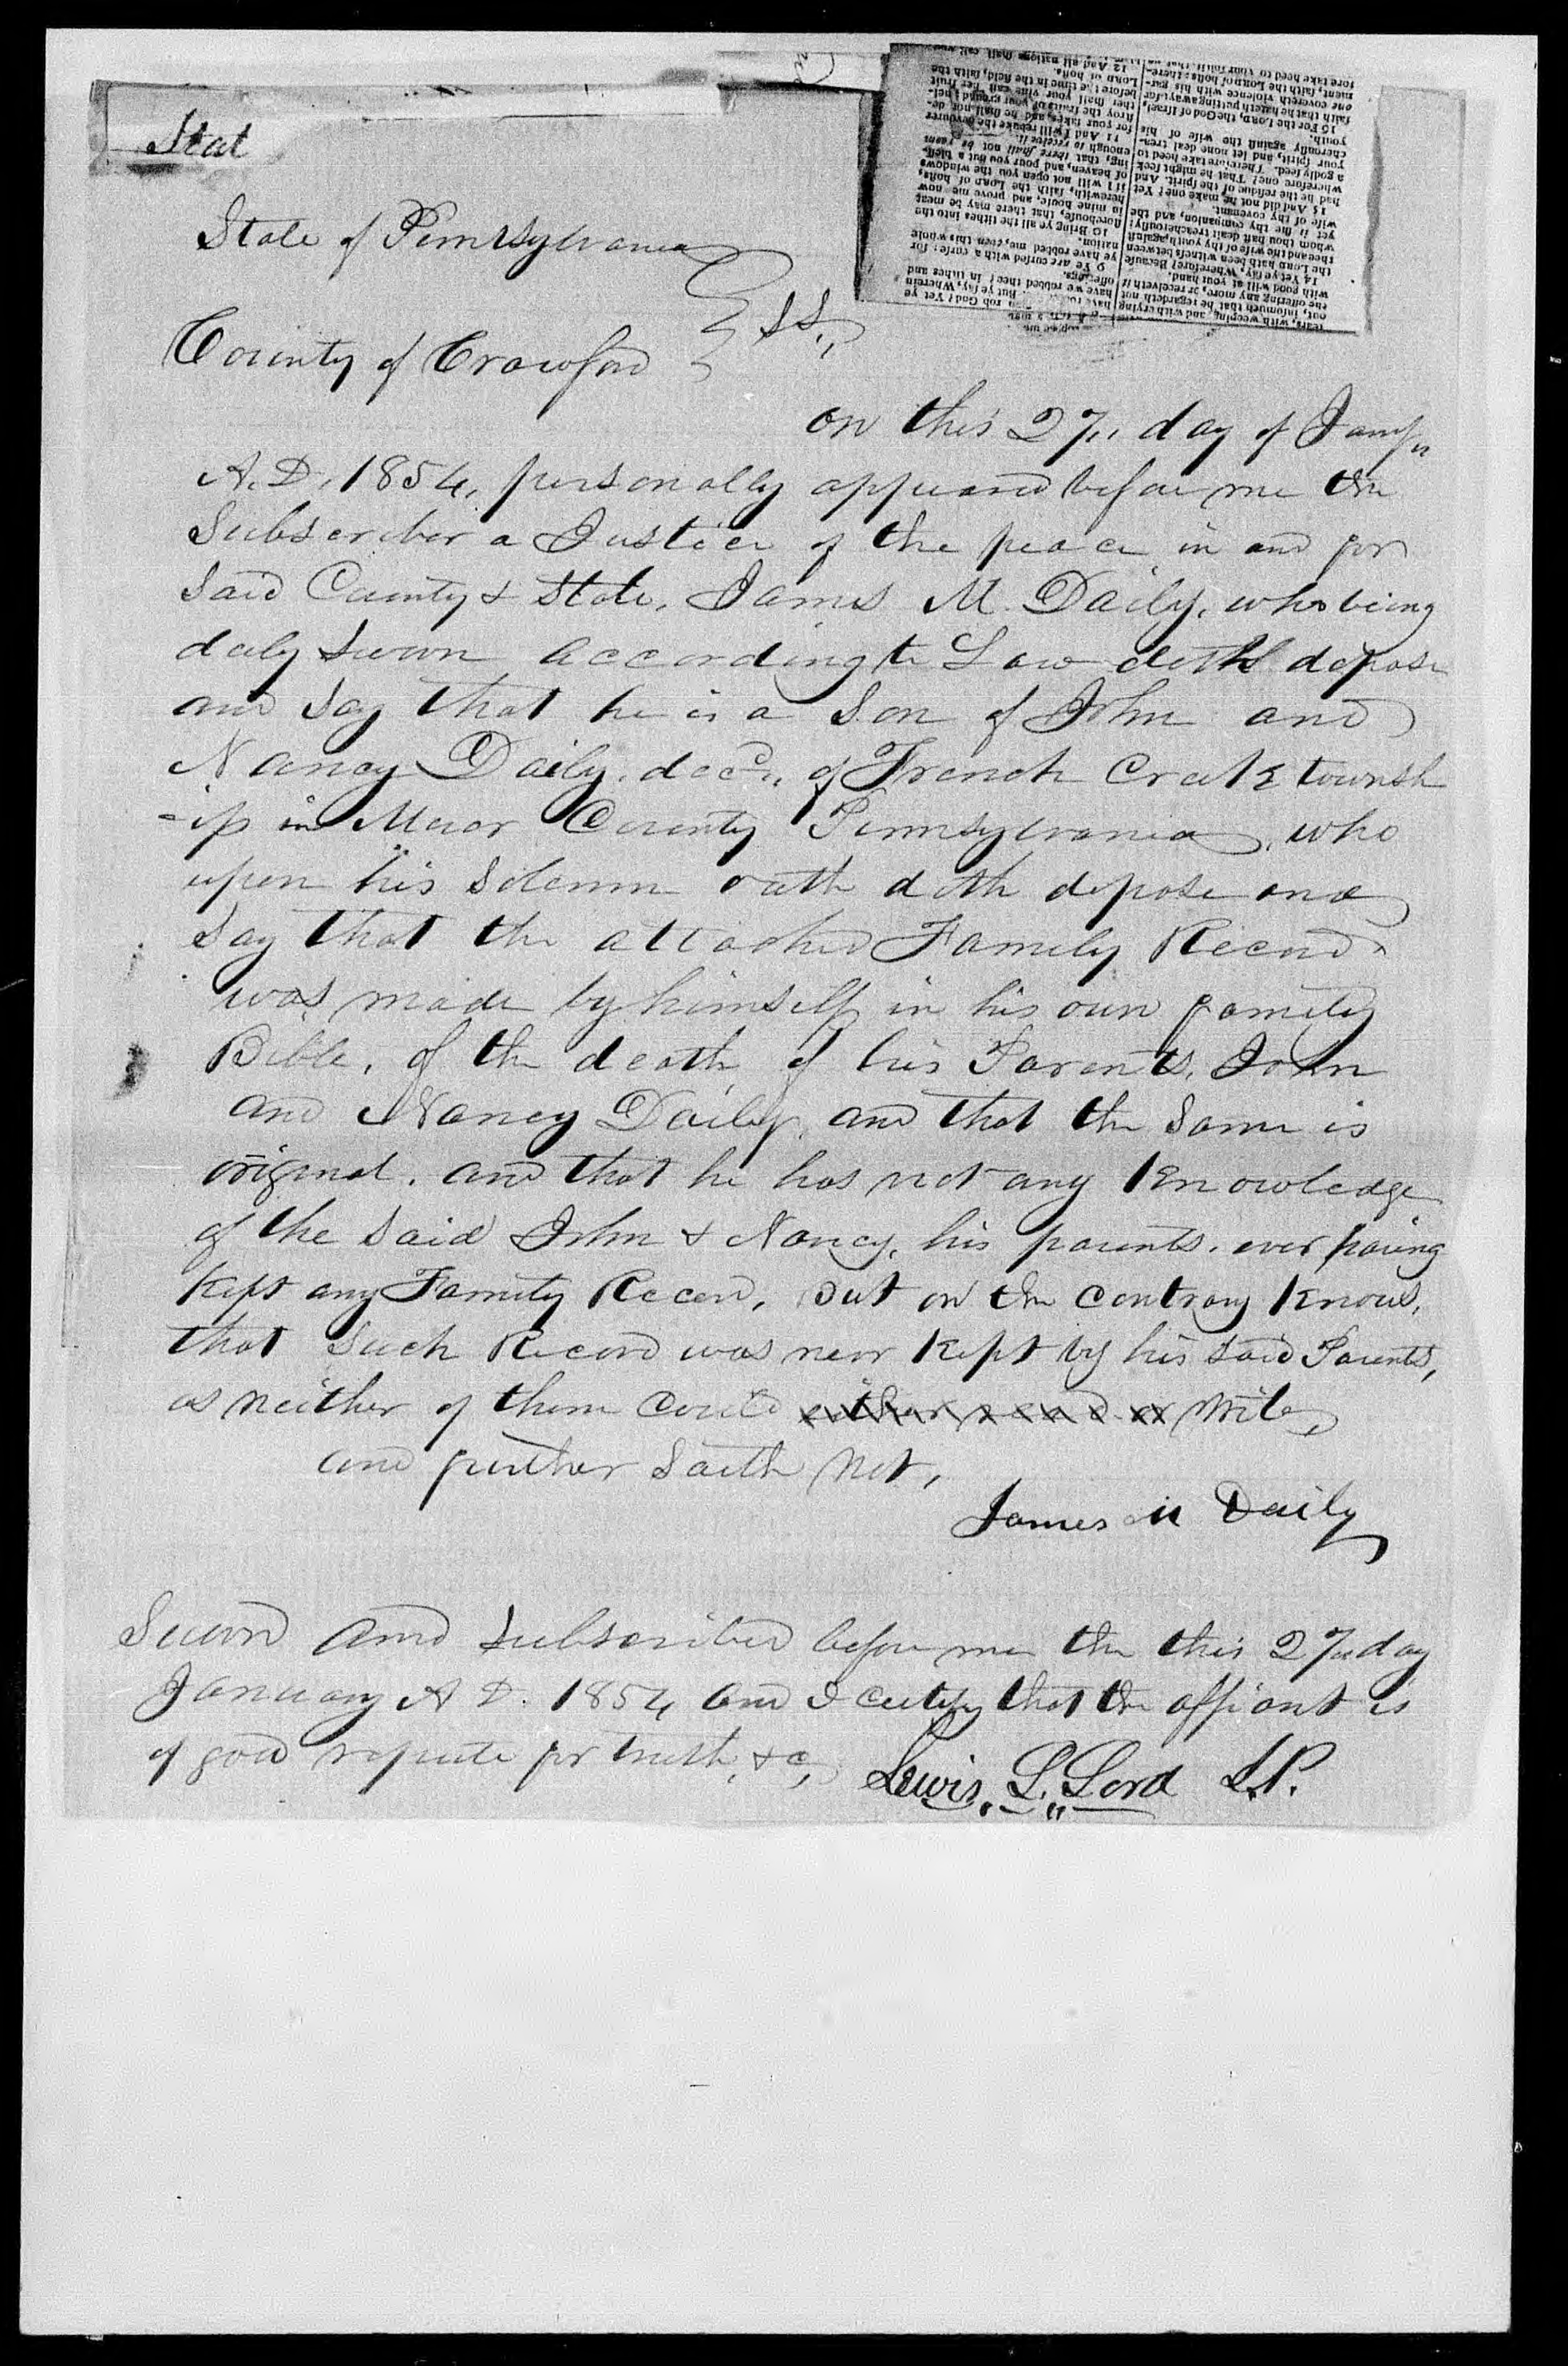State of Pennsylvania
County of Crawford
On this 27th day of January A.D. 1854 personally appeared before me the Subscriber a Justice of the Peace in and for said County and State. I am M. Daily, who being duly sworn according to Law duth depose and say that he is a Son of John and Nancy Daily, dec'd, of French [Crule]  township in Muor County Pennsylvania, who upon his solum oath duth depose and say that the attached Family Record was made by himself in his own family bible, of the death of his parents, John and Nancy Daily and that the same is original. And that he has not any knowledge of the said John and Nancy, his parents, ever having kept any Family Record. But on the contrary I know that such record was never kept by his said parents, is neither of them [illegible].
and further saith me.
James M. Daily
Sworn and subscriber before me the this 27th day January  A. D. 1856 and I certify that the affiant is of good [       ] for truth, [  ]
Lewis L Lord J.P.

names: John Daily, James M Daily, Nancy Daily, James M Daily, Nancy, Nancy Daily, Lewis L Lord, John Daily, John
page: 9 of 63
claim: widow's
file: W. 3228, John Daly, Penn.